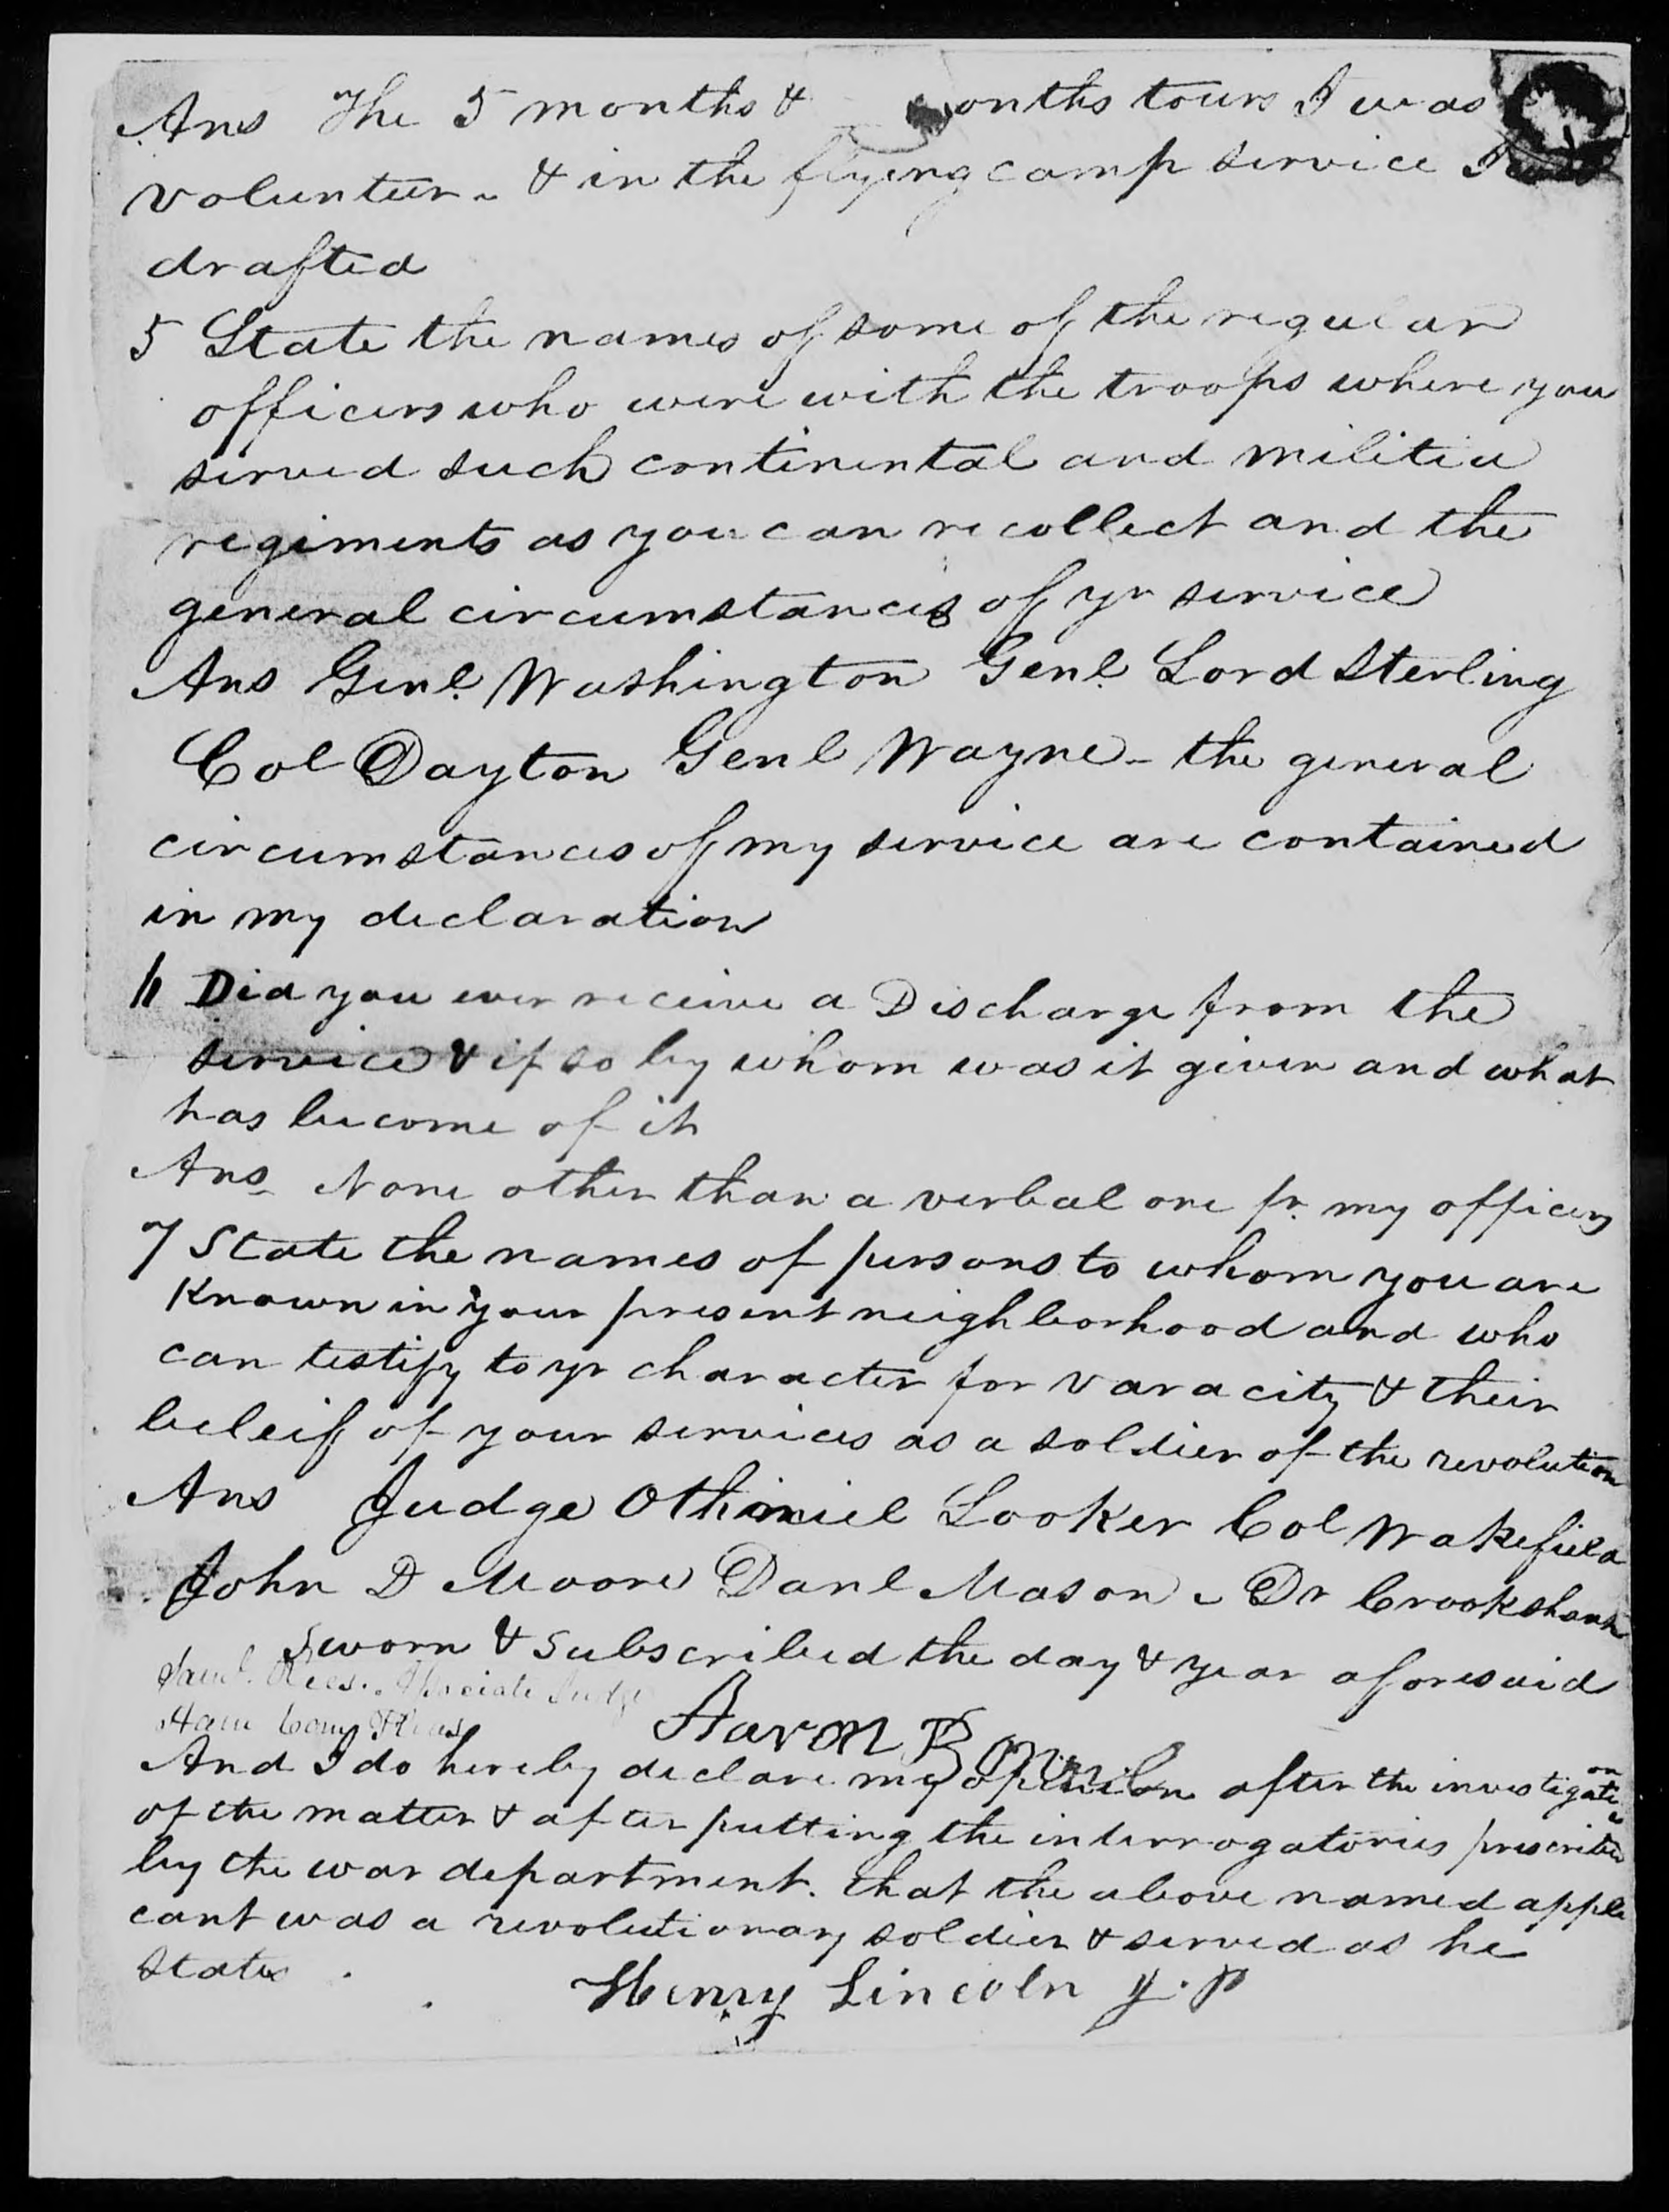Ans.  The 5 months & [illegible] months tours I was volunteer & in the flying camp service I was drafted
5.  State the names of some of the regular officers who were with the troops where you served such continental and militia regiments as you can recollect and the general circumstances of your service.
Ans. Genl Washington, Genl Lord Sterling, Col. Dayton, Genl Wayne - the general circumstances of my service are contained in my declaration. 
6.  Did you ever receive a discharge from the service & if so by whom was it given and what has become of it.
Ans.  None other than a verbal one from my officers.
7.  State the names of persons to whom you are known in your present neighborhood and who can testify to your character for veracity & their belief of your services as a soldier of the revolution.
Ans.  Judge Othiniel Looker, Col Wakefield, John D. Moore, Danl Mason, Dr. Crookshank

Sworn  & subscribed the day & year aforesaid
Aaron Bonnel
Saml Rees, Associate Judge Ham  Com Pleas

And I do hereby declare my opinion after the investigation of the matter & after putting the interrogatories prescribed by the War Department, that the above named applicant was a revolutionary soldier & served as he states.
Henry Lincoln  J.P.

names: Aaron Bonnel, Lord Sterling, Danl Mason, John D Moore, Wakefield, Henry Lincoln, Washington, Saml Rees, Crookshank, Dayton, Wayne, Othiniel Looker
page: 6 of 67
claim: rejected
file: R. 1009, Aaron Bonnel, New Jersey